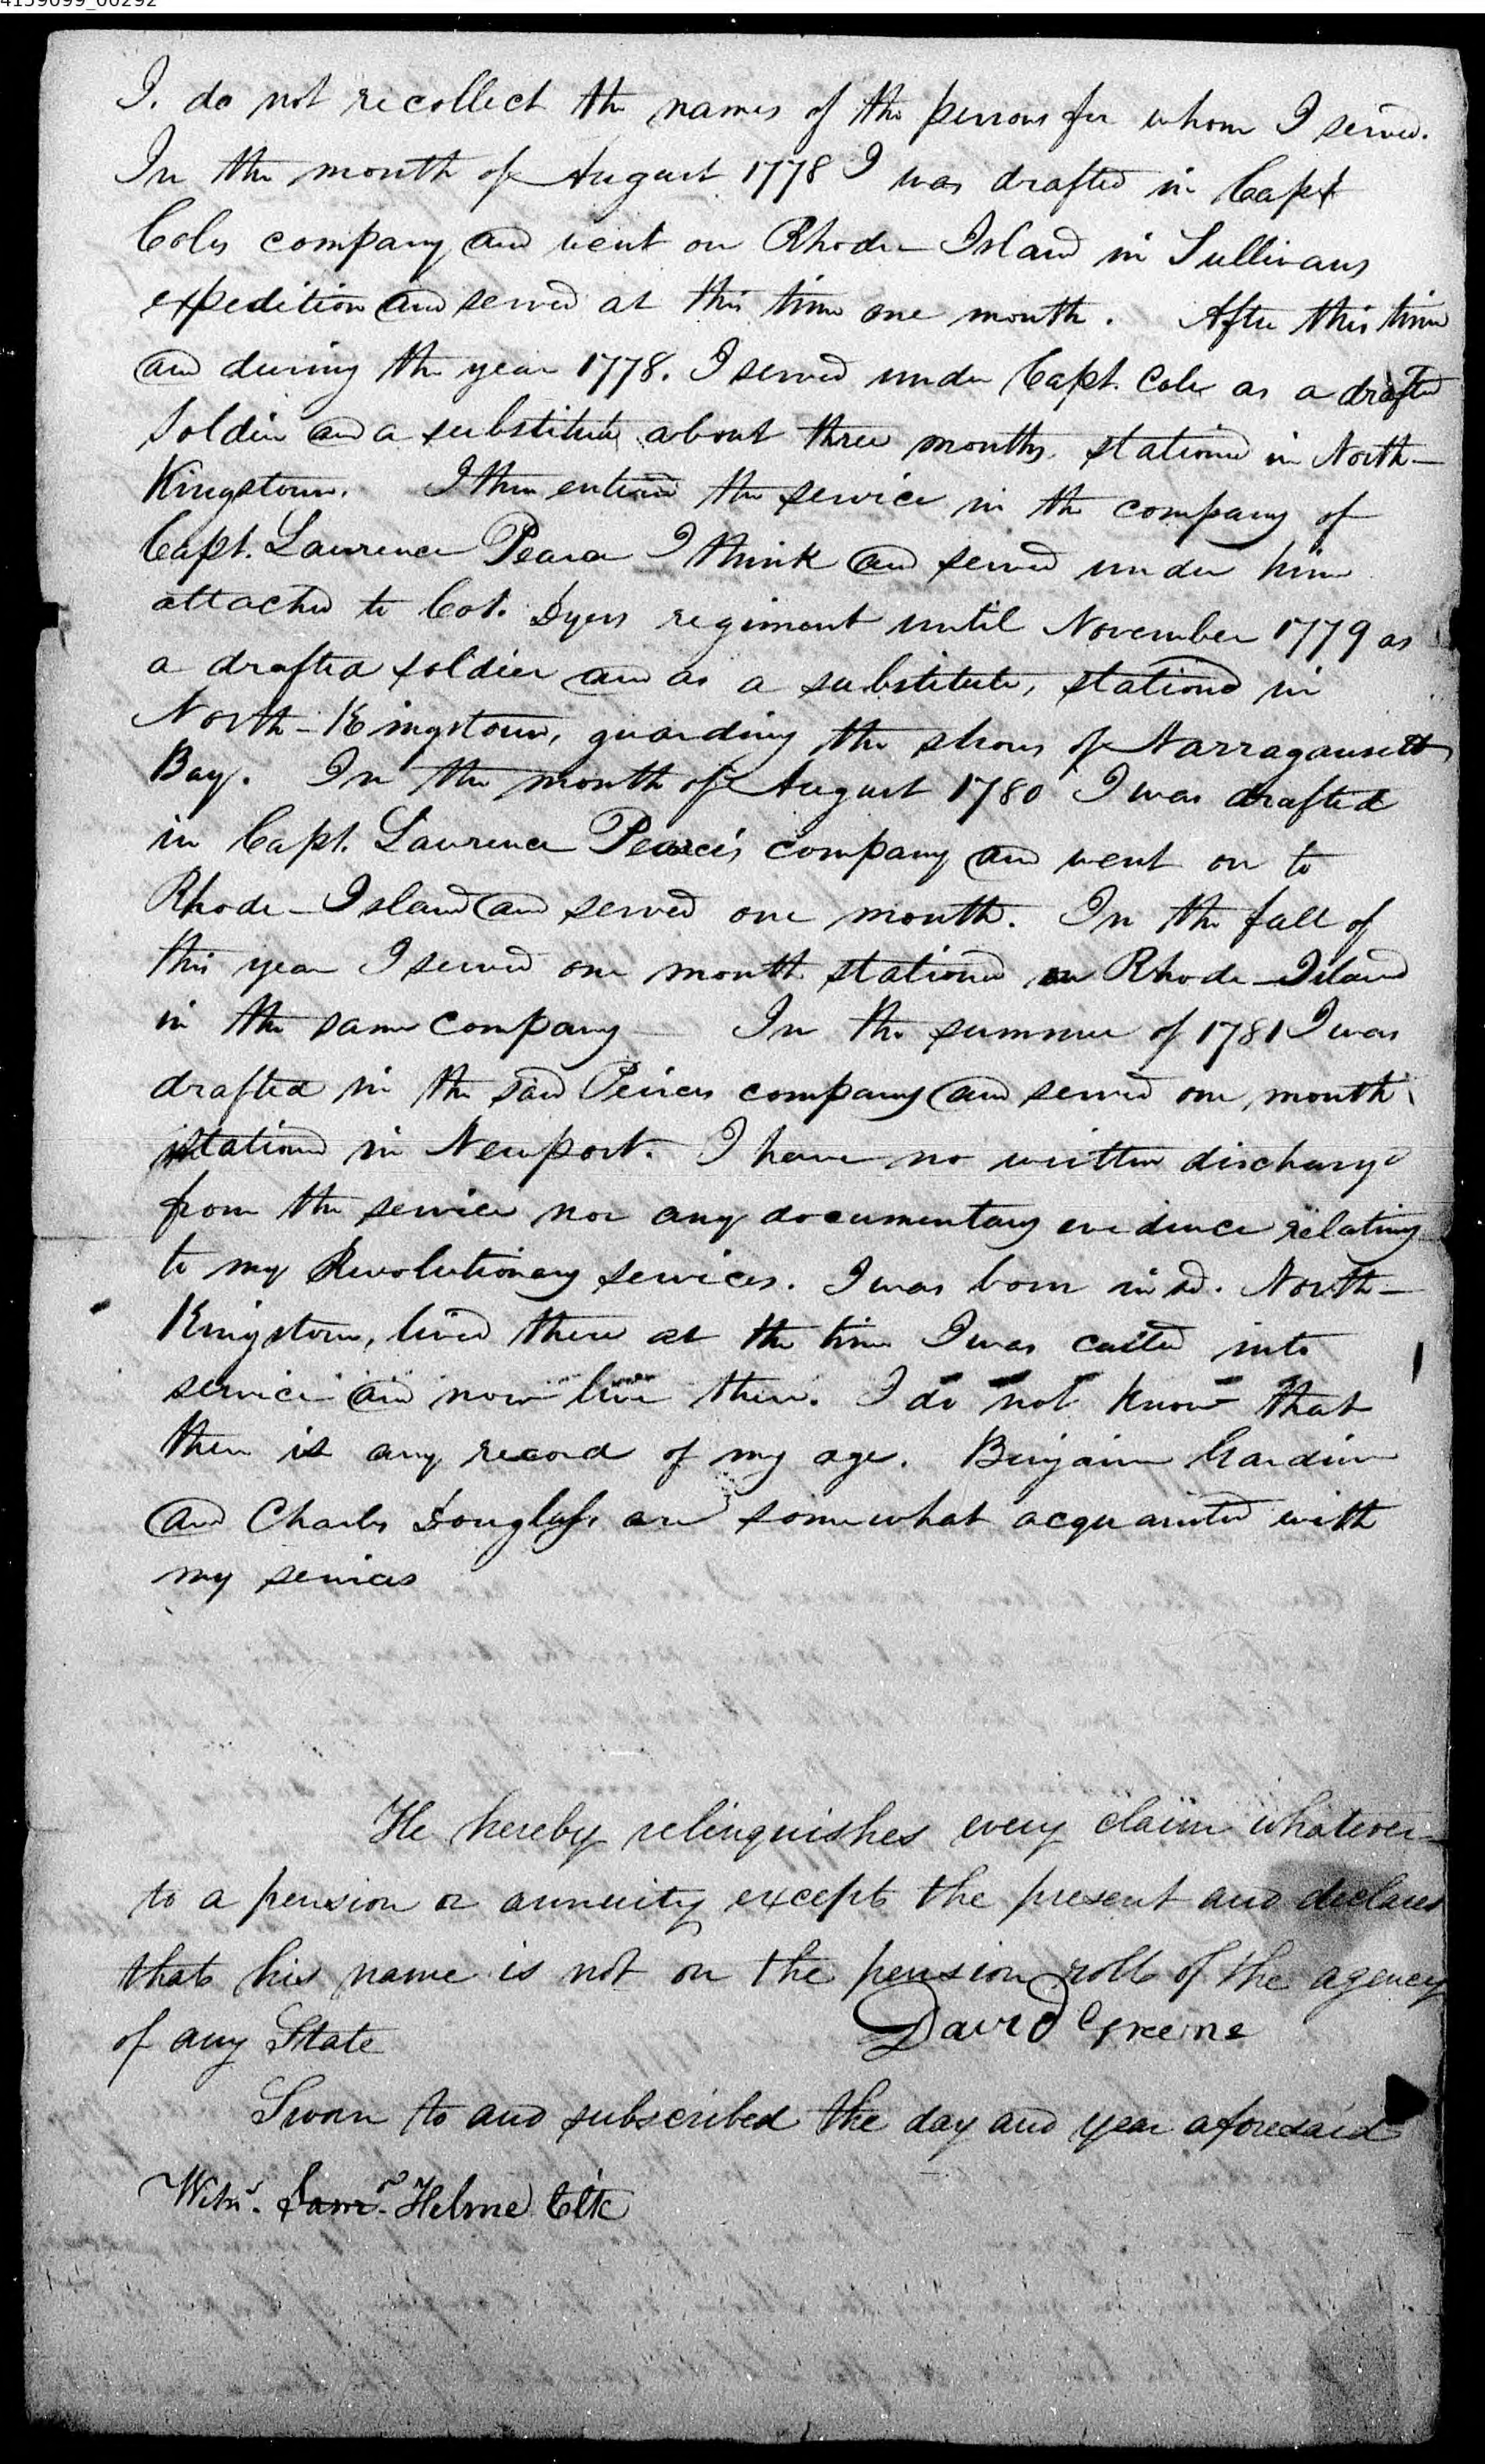I do not recollect the names of the persons for whom I served. In the month of August 1778 I was drafted in Capt Coles company and went on Rhode Island in Sullivans expedition and served at this time one month. After this time and during the year of 1778. I served under Capt. Cole as a drafted soldier and a substitute about three months stationed in North Kingstown. I then entered the service in the company of Capt. Laurence Pearce I think and served under him attached to Col Dyers regiment until November 1779 as a drafted soldier and as a substitute in North Kingstown, guarding the shores of Narragansett Bay. In the month of August 1780 I was drafted in Capt. Laurence Pearce's company and went on to Rhode Island and served on month. In the fall of this year I served one month stationed in Rhode Island in the same company. In the summer of 1781 I was drafted in the said Pearce company and served one month stationed in Newport. I have no written discharge from the service nor any documentary evidence relating to my Revolutionary services. I was born in North Kingstown, lived there at the time I was called into service and now live there. I do not know that there is any record of my age. Benjamin Gardiner and Charles Douglass are somewhat acquainted with my services.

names: Charles Douglass, Cole, David Greene, Sam Helme, Benjamin Gardiner, Lawrence Pearce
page: 10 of 27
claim: survivor's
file: S. 21,245, David Greene, R.I.